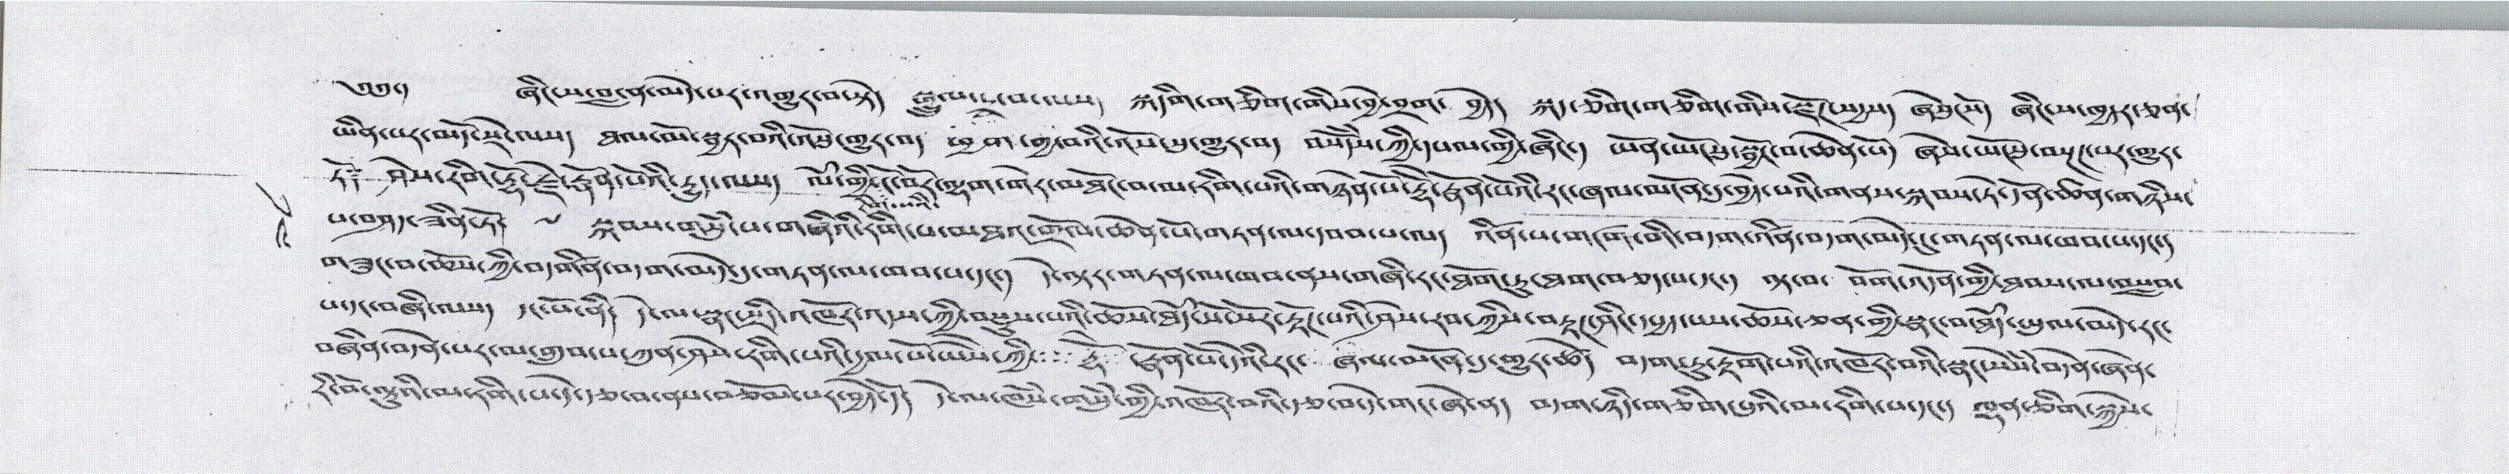ཞིང་ས་བླ་ན་མེད་པར་འགྱུར་བ་སྟེ། སྒྱུ་འཕྲུལ་དྲྭ་བ་ལས། སྐད་ཅིག་གཅིག་གིས་བྱེ་བྲག་བྱེད། སྐད་ཅིག་གཅིག་གིས་རྫོགས་སངས་རྒྱས། ཞེས་གསུངས་སོ། ཞིང་ས་ཁྱད་པར་ཅན་
ཡིན་པར་མདོ་སྡེ་ལས། ཐལ་མོ་སྦྱར་བའི་འོས་སུ་གྱུར་བ། ཕྱག་རྒྱ་བའི་འོས་སུ་གྱུར་བ། བསོད་ནམས་ཀྱི་དཔལ་གྱི་ཞིང། ཡོན་ཡོངས་སུ་སྦྱོང་བ་ཆེན་པོ། ཞེས་ཡོངས་སུ་བསྔགས་པར་གྱུར་
ཏོ། ཤེས་རིག་རྡོ་རྗེ་རྣོན་པོའི་རྒྱུད་ལས། ལམ་གྱི་རིག་པའི་ངོ་བོར་ལྷག་གེར་མཐོང་བ་མ་རིག་པའི་གཉེན་པོ་རྡོ་རྗེ་རྣོན་པོའི་རང་ཞལ་མངོན་དུ་བྱེད་པའི་གནས་སྐབས་ཏེ་དོན་ཚན་གཉིས་
པ་བཤད་ཟིན་ཏོ། ༧ སྐབས་གསུམ་པ་གཞིའི་རིག་པ་མཐའ་གྲོལ་ཆེན་པོ་གཏན་ལ་དབབ་པ་ལ། འཛིན་པ་གང་ཟག་གི་བདག་འཛིན་བདག་མེད་དུ་གཏན་ལ་ཕབ་པ་དང། 
གཟུང་བ་ཆོས་ཀྱི་བདག་འཛིན་བདག་མེད་དུ་གཏན་ལ་ཕབ་པ་དང། དེ་ལྟར་གཏན་ལ་ཕབ་ནས་གཞི་རང་ཐོག་ཏུ་ཐག་བཅད་པ་དང། ལྟ་བ་བོག་འདོན་གྱི་ཐབས་ལ་བསླབ་
པ་དང་བཞི་ལས། དང་པོ་ནི། དེ་ལ་སྣང་སྲིད་འཁོར་འདས་ཀྱི་བསྡུས་པའི་ཆོས་ཐམས་ཅད་སོ་སོར་རྟོགས་པའི་ཤེས་རབ་ཀྱིས་བརྟགས་ཤིང་དཔྱད་པས་ཆོས་ཅན་གྱི་སྣང་བ་ཐམས་ཅད་ཡུལ་མེད་རང་
བཞིན་བདེན་པར་མ་གྲུབ་པ་ཀུན་ཤེས་རིག་པའི་རྒྱལ་པོ་ཡེ་ཤེས་ཀྱི་རྡོ་རྗེ་རྣོན་པོ་དེའི་རང་ཞལ་མངོན་དུ་གྱུར་ཚེ། བདག་ཏུ་རྟོག་པའི་འཁོར་བའི་སྣང་སེམས་བདེན་ཞེན་
རི་བོ་ལྟ་བུའི་མ་རིག་པ་དེ་རྩ་བ་ནས་བཅོམ་པར་བྱེད་དོ། དེ་ལ་ཁམས་གསུམ་གྱི་འཁོར་བའི་རྩ་བ་དེ་གང་ཞེ་ན། བདག་ཉིད་གཅིག་པུའི་མ་རིག་པ་དང། ལྷན་ཅིག་སྐྱེས་